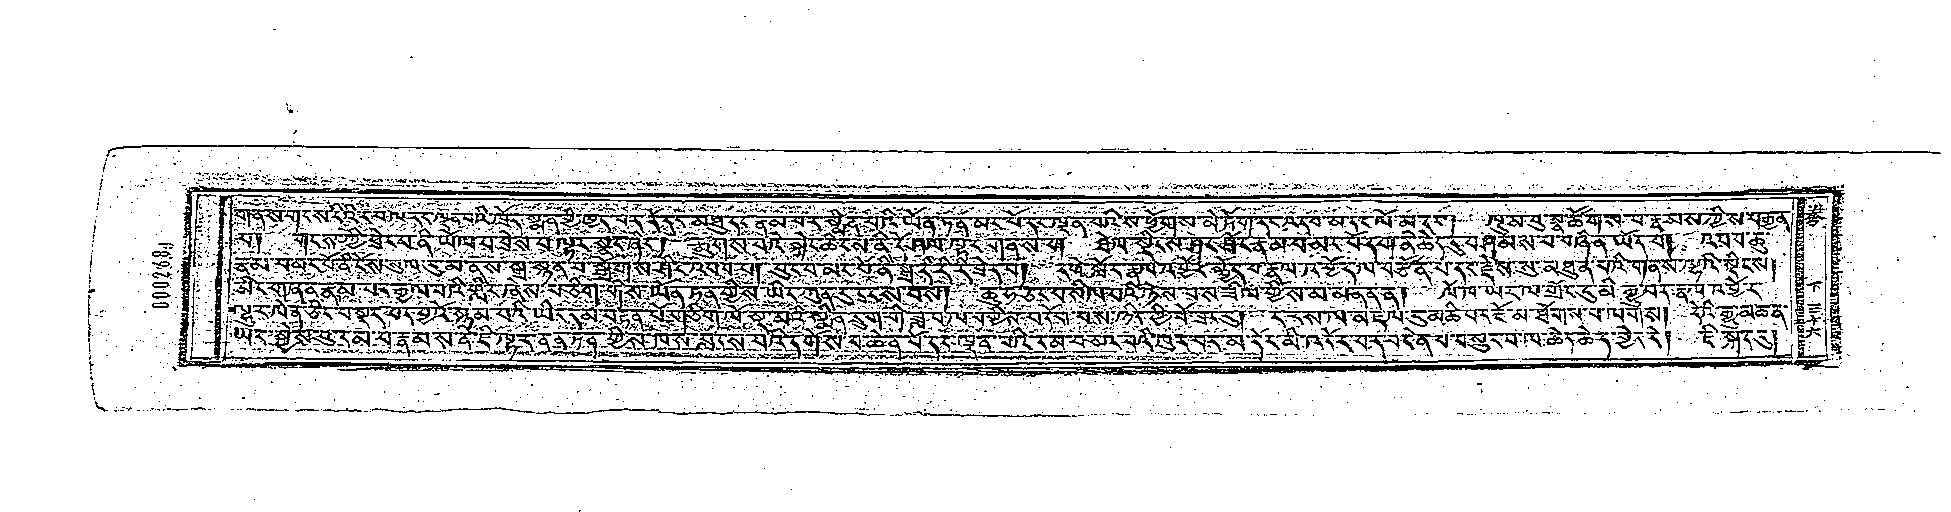གནས་གངས་རིའི་དཔལ་དང་ལྡན་པའི་ཁྲོད་སྨན་གྱི་ཁྱད་པར་རོ་དང་མཐུ་དང་རྣམ་བར་སྨིན་བའི་ཡོན་ཏན་མང་པོ་དང་ལྡན་པའི་ས་ཕྱོགས་མེ་ཏོག་དང་འདབ་མ་དང་ལོ་མ་དང་། ལྡུམ་བུ་སྣ་ཚོགས་པ་རྣམས་ཀྱིས་བརྒྱན་
པ། གངས་ཀྱི་ཕྲེང་བ་ནི་ཡོལ་བ་བྲེས་བ་ལྟར་སྣང་ཞིང་། རྨུགས་བའི་སྐེད་ཆིངས་ནི་དོ་ཤལ་ལྟར་གནས་བ། ཐེལ་སྡིངས་ཤད་ཤོད་རྣམ་བ་མང་པོ་དག་ནི་ཆེད་དུ་བཤམས་པ་བཞིན་ཡོད་པ། འབབ་ཆུ་
རྣམ་པ་མང་པོ་ནི་ངོས་སུལ་དུ་མ་ནས་སྒྲ་སྙན་པ་སྒྲོགས་ཤིང་འབབ་པ། བུད་བ་མང་པོ་ནི་སྒྲ་དི་རི་རི་ཟེར་བ། དགེ་སློང་རྣལ་འབྱོར་སྤྱོད་པ་རྣལ་འབྱོར་ལ་བརྩོན་པ་དང་རྗེས་སུ་མཐུན་པའི་གནས་ལྷའི་སྡིངས།
མིང་གཞན་རྣམ་པར་རྒྱལ་བའི་གླིང་ཞེས་པ་ཅིག་གིས་ཡོན་ཏན་གྱིས་ཡིད་ཀུན་དུ་དྲངས་བས། ཆུ་ཧ་ཅང་བསིལ་བའི་ཉེས་པས་ཟིལ་གྱིས་མ་མནན་ན། ལོ་ཁ་ཡར་ལ་གྲོང་དུ་མི་རྒྱུ་བར་རྣལ་འབྱོར་
ལྷུར་ལེན་ཅིང་བསྡད་བར་བྱའོ་སྙམ་པའི་ཡིད་དམ་བརྟན་པོ་གཅིག་ལོ་སྔ་མའི་སྨིན་དྲུག་གི་ཟླ་བ་ལ་བགྱིས་བདོག་པས་ཉིད་ཀྱི་ཕོ་བྲང་དུ། ང་རས་ལ་མཇལ་དུ་མཆི་པད་རྡོ་མ་ཐོགས་བ་ལེགས། དེའི་རྒྱུ་མཚན་
ཡང་སྐྱེས་བུ་དམ་པ་རྣམས་ནི་ཇི་ལྟར་ནན་ཏན་གྱིས་ཁས་བླངས་བོའི་དགོས་པ་ཆེན་པོ་དང་ལྡན་བའི་དམ་བཅའ་བའི་ཁུར་བར་མ་དོར་མི་འདོར་བར་བདེན་པ་བསྲུང་བ་ལ་ཆེད་ཆེད་བྱེད་དེ། ཇི་སྐད་དུ།